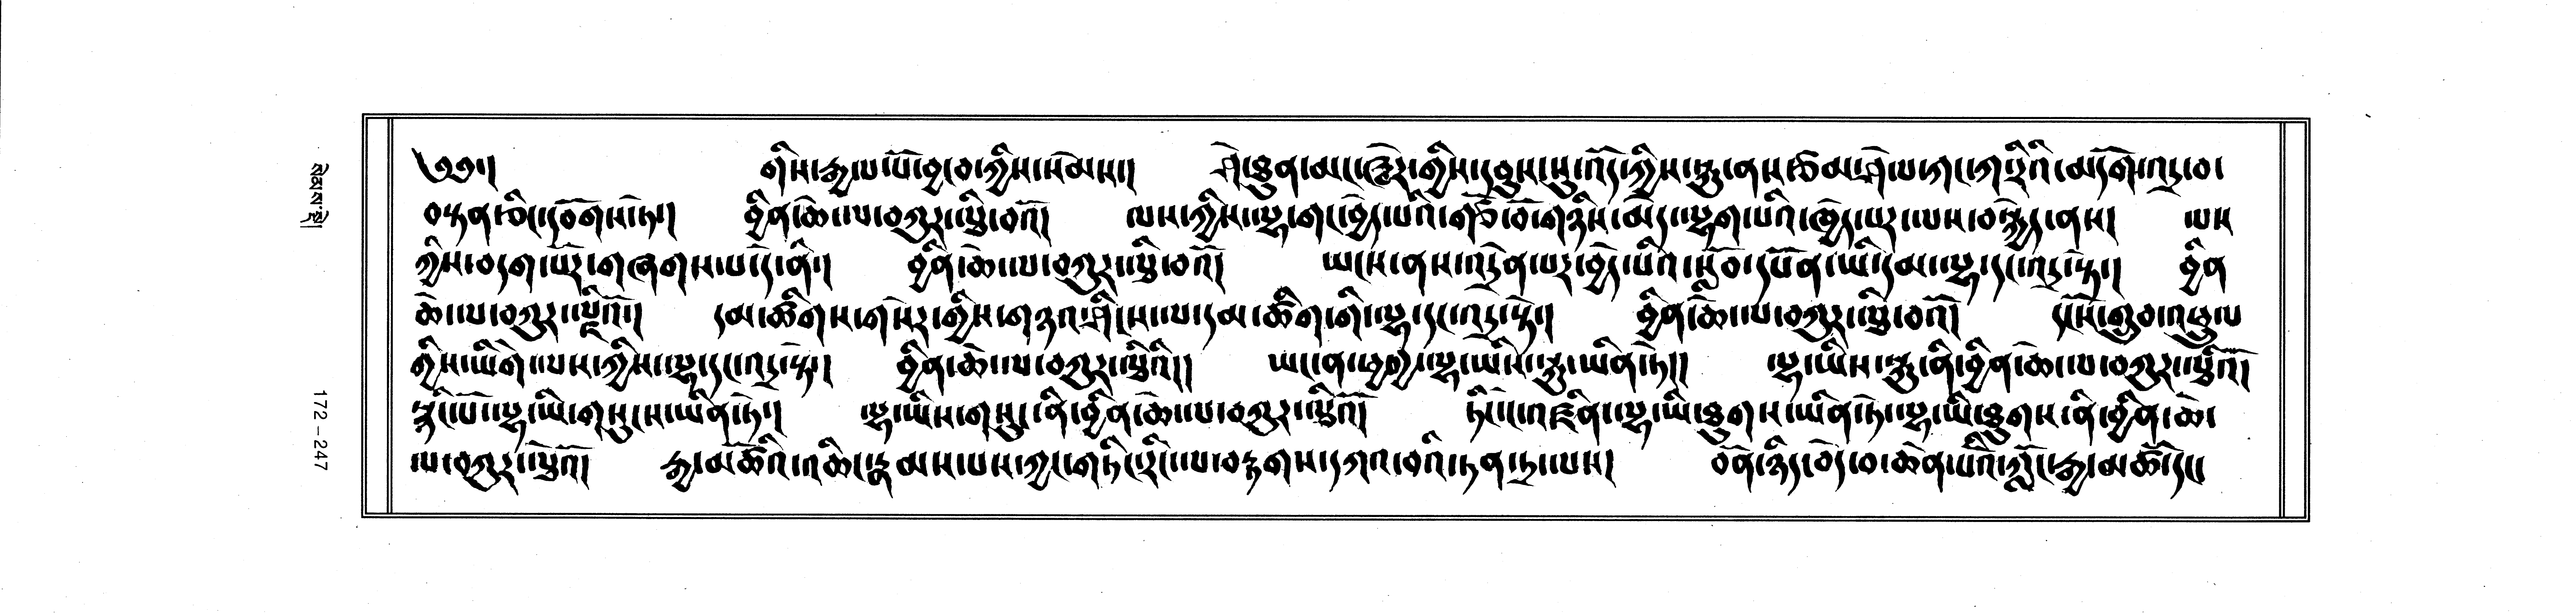རྒྱལ་པོ་བྱང་ཆུབ་ཀྱིས་སེམས། ཤེ་ཐུན་མང་ཝེར་གྱིས་དབུས་སུ་འོད་ཀྱིས་སྐུ་ནས་ཙམ་ཤེལ་ཀང་ཀ་རིའི་མདོག་འདྲ་བ་
བསྟན་ཅིང་དབོགས་ཏེ། བྱིན་ཆེ་ལ་བཀུར་ལྕི་བའོ། ལས་ཀྱིས་ལྷ་གང་བྱེད་པའི་གཙོ་བོ་གཉིས་མེད་ལྷག་པའི་ཁྱེད་པར་བསྐྱེད་ནས། ལས་
ཀྱིས་བདག་པོར་གཞགས་པ་དེ་ནི། བྱིན་ཆེ་ལ་བཀུར་ལྕི་བའོ། ཡང་ནས་འདྲེན་པར་བྱེད་པའི་སློབ་དཔོན་ཡི་དམ་ལྷ་དང་འདྲ་སྟེ། བྱིན་
ཆེ་ལ་བཀུར་ལྗིའོ། དམ་ཚིགས་གསེར་གྱིས་གཉའ་ཤིང་ལ་དམ་ཚིགས་གི་ལྷ་དང་འདྲ་སྟེ། བྱིན་ཆེ་ལ་བཀུར་ལྕི་བའོ། དོངས་གྲུབ་འཕྲུལ་
གྱིས་ཡི་གེ་ལས་ཀྱིས་ལྷ་དང་འདྲ་སྟེ། བྱིན་ཆེ་ལ་བཀུར་ལྕིའོ། ཡང་ན་ཕྱག་རྒྱ་ལྷ་ཡིས་སྐུ་ཡིན་ཏེ། ལྷ་ཡིས་སྐུ་ནི་བྱིན་ཆེ་ལ་བཀུར་ལྕིའོ། 
སྙིང་པོ་ལྷ་ཡི་གསུངས་ཡིན་ཏེ། ལྷ་ཡིས་གསུང་ནི་བྱིན་ཆེ་ལ་བཀུར་ལྕིའོ། ཏིང་ངེ་འཛིན་ལྷ་ཡི་ཐུགས་ཡིན་ཏེ་ལྷ་ཡི་ཐུགས་ནི་བྱིན་ཆེ་
ལ་བཀུར་ལྕེའོ། རྒྱ་མཚོའིའཆིང་རྣམ་པས་ཀྱང་གཏིང་རིང་ལ་བརྟགས་དཀའ་བའི་ཏན་ཏྲ་ལས། བོན་ཉིད་བདེ་བ་ཆེན་པོའི་ཀློང་རྒྱ་མཚོ་དང་